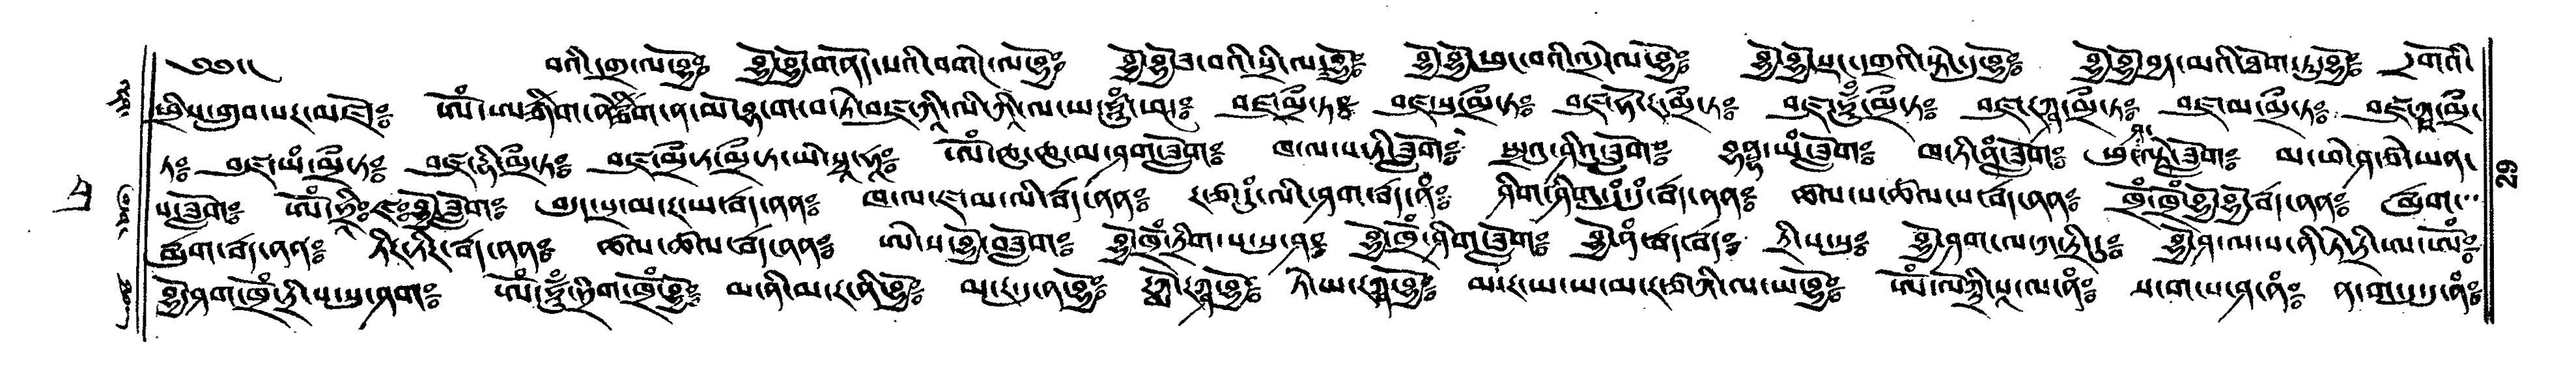བའི་དགྲ་ལ་བྷྱོ༔ བྷྱོ་བྷྱོ་ཟ་བའི་སྲི་ལ་བྷྱོ༔ བྷྱོ་བྷྱོ་ཕུང་བའི་འདྲེ་ལ་བྷྱོ༔ བྷྱོ་བྷྱོ་སྡང་དགྲའི་སྟེང་དུ་བྷྱོ༔ བྷྱོ་བྷྱོ་བྱད་མའི་ཐོག་ཏུ་བྷྱོ༔ དྲག་པོའི་
ཕྲིན་ལས་འགྲུབ་པར་མཛོད༔ ཨོཾ་ཨརྩིག་ནེརྩིག་ན་མོ་བྷ་ག་ལ་ཏེ་བཛྲ་ཀཱི་ལི་ཀཱི་ལ་ཡ་ཧཱུྃ་ཕཊ༔ བཛྲ་མྲྀ་ཏ༔ བཛྲ་སུ་མྲྀ་ཏ༔ བཛྲ་ཧོ་ར་མྲྀ་ཏ༔ བཛྲ་རཀྴ་མྲྀ་
ཏ༔ བཛྲ་མ་མྲྀ་ཏ༔ བཛྲ་ཀྵ་མྲྀ་ཏ༔ བཛྲ་ཡཾ་མྲྀ་ཏ༔ བཛྲ་དྷི་མྲྀ་ཏ༔བཛྲ་མྲྀ་ཏ་མྲྀ་ཏ་ཡེ་སྭ་ཧཱ༔ ཨོཾ་ཆུ་ཆུ་མ་ཤག་ཟློག༔ ཁ་ལ་པ་ཏི་ཟློག༔ སྤྲའུ་ཤིའུ་ཟློག༔ བྷནྡྷ་ཡཾ་ཟློག༔ ཁ་ཏི་ནཾ་ཟློག༔ ཕུ་ཤ་ལྟེ་ཟློག༔ མ་ཕེ་ཤ་ཙེ་ཡན་
པ་ཟློག༔ ཨོཾ་ཧྲཱིཿཛཿབྷྱོ་ཟློག༔ བདུད་པྲ་མ་ར་ཡ་རྦད་ནན༔ ཁ་ལ་ཛ་མ་ལི་རྦད་ནན༔ ར་ཙ་དུཾ་ལིང་ཤག་རྦད་ནཾ༔ ཤིག་ཤིག་དུཾ་དུཾ་རྦད་ནན༔ ཚལ་པ་ཚལ་པ་རྦད་ནན༔ ཁྲོཾ་ཁྲོཾ་བྷྱོ་བྷྱོ་རྦད་ནན༔ རྨུག་
རྨུག་རྦད་ནན༔ ཏིར་ཏིར་རྦད་ནན༔ ཚལ་ཚལ་རྦད་ནན༔ ཨེ་ས་བྷྱོ་བཟློག༔ བྷྱོ་ཁྲོཾ་ཏྲིག་པ་སུ་ཤ༔ བྷྱོ་ཁྲོཾ་ཤིག་ཟློག༔ བྷྱོ་ནཾ་རྦད་རྦད༔ ཏྲི་པ་སུ༔ བྷྱོ་ཤག་ལ་ཀ་ཏྲིང་དུ༔ བྷྱོ་ཤ་ལ་པ་ནི་ཏེ་ཏྲི་ཨ་ཨོཾ༔ 
བྷྱོ་ཤག་ཁྲོཾ་ཏྲི་པ་སུ་ཤག༔ ཨོཾ་ཧཱུྃ་ཏྲིག་ཁྲོཾ་བྷྱོ༔ མ་ནི་མ་ར་ནི་བྷྱོ༔ མར་ར་དུ་ན་བྷྱོ༔ རཀྨོ་རཀྴ་བྷྱོ༔ ཏེ་ཡ་རཀྵ་བྷྱོ༔ མ་ར་ཡ་ཡ་མ་ར་ཙ་ཀི་ལ་ཡ་བྷྱོ༔ ཨོཾ་ལོཀྟྲི་པཱ་ལ་ནཾ༔ ས་ག་པ་ཤ་ནཾ༔ ན་ག་དུ་དུ་ནཾཿ